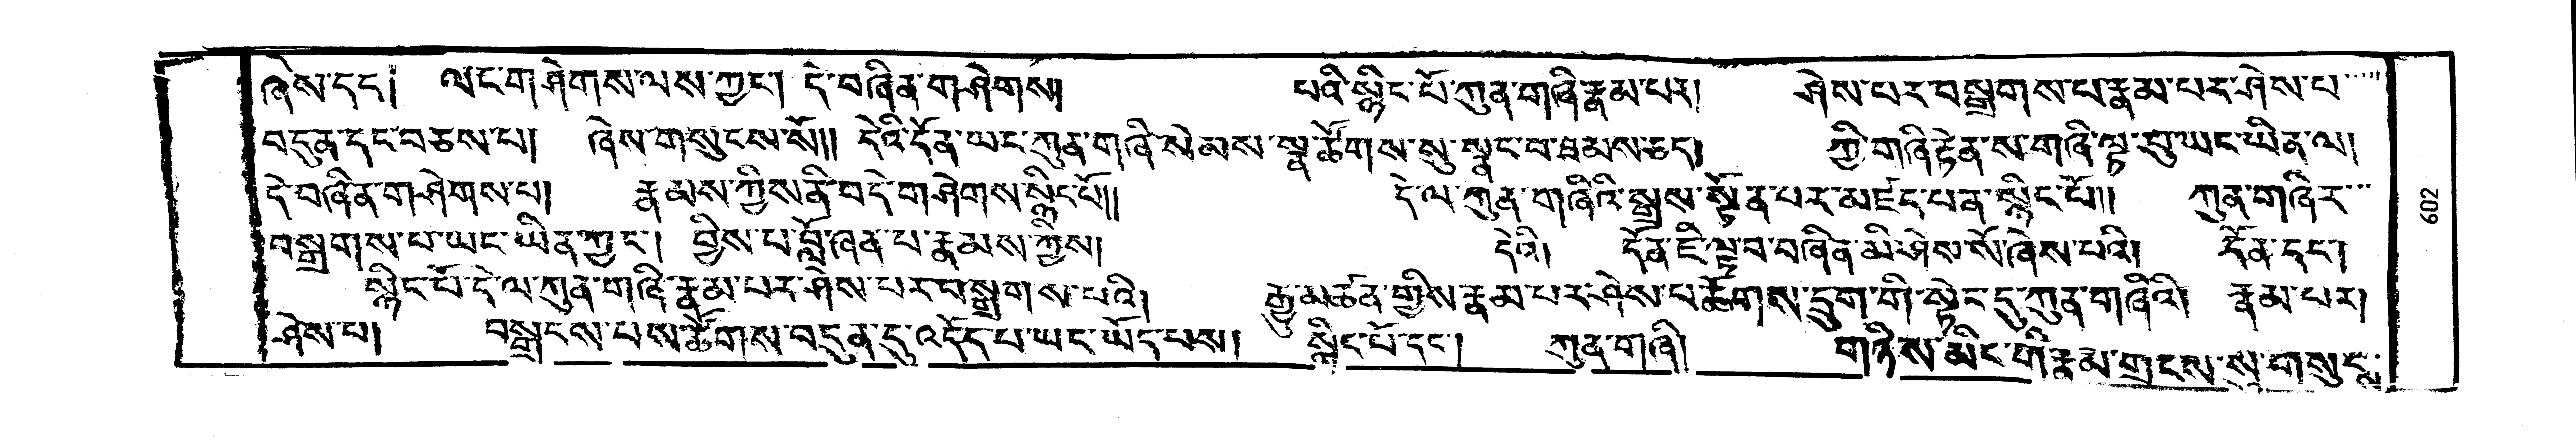ཞེས་དང་། ལང་གཤེགས་ལས་ཀྱང་། དེ་བཞིན་གཤེགས། པའི་སྙིང་པོ་ཀུན་གཞི་རྣམ་པར། ཤེས་པར་བསྒྲགས་པ་རྣམ་པར་ཤེས་པ་
བདུན་དང་བཅས་པ། ཞེས་གསུངས་སོ།། དེའི་དོན་ཡང་ཀུན་གཞི་སེམས་སྣ་ཚོགས་སུ་སྣང་བ་ཐམས་ཅད། ཀྱི་གཞི་རྟེན་ས་གཞི་ལྟ་བུ་ཡང་ཡིན་ལ།
དེ་བཞིན་གཤེགས་པ། རྣམས་ཀྱིས་ནི་བདེ་གཤེགས་སྙིང་པོ།། དེ་ལ་ཀུན་གཞིའི་སྒྲས་སྟོན་པར་མཛད་པ་ན་སྙིང་པོ།། ཀུན་གཞིར་
བསྒྲགས་པ་ཡང་ཡིན་ཀྱང་། བྱིས་པ་བློ་ཞན་པ་རྣམས་ཀྱིས། དེའི། དོན་ཇི་ལྟ་བ་བཞིན་མི་ཤེས་སོ་ཞེས་པའི། དོན་དང་།
སྙིང་པོ་དེ་ལ་ཀུན་གཞི་རྣམ་པར་ཤེས་པར་བསྒྲགས་པའི། རྒྱུ་མཚན་གྱིས་རྣམ་པར་ཤེས་པ་ཆོགས་དྲུག་གི་སྟེང་དུ་ཀུན་གཞིའི། རྣམ་པར།
ཤེས་པ། བསྒྲངས་པས་ཚོགས་བདུན་དུ་འདོད་པ་ཡང་ཡོད་པས། སྙིང་པོ་དང་། ཀུན་གཞི། གཉིས་མིང་གི་རྣམ་གྲངས་སུ་གསུངས་